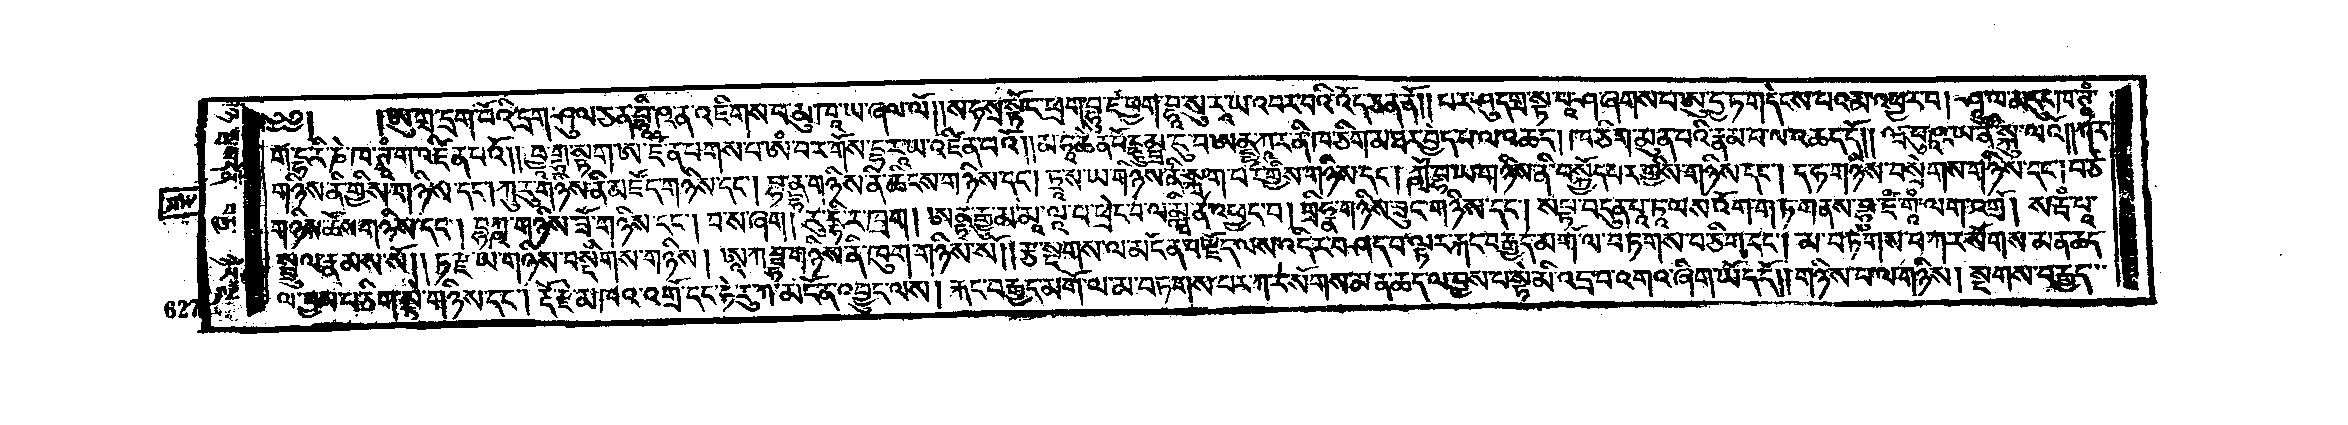༄༅། །ཨུ་གྲ་དྲག་པོའི་དྲག་ཤུལ་ཅན་བྷཱི་ཥ་ན་འཇིགས་པ་མུ་ཁཱ་ཡ་ཞལ་ལོ། །ས་ཧ་སྲ་སྟོང་ཕྲག་བྷུ་ཛ་ཕྱག་བྷཱ་སུ་རཱ་ཡ་འབར་བའི་འོད་ཅན་ནོ། །པ་ར་ཤུ་དགྲ་སྟ་པཱ་ཤ་ཞགས་པ་ཨུ་དྱ་ཏ་གདེངས་པའམ་འཕྱར་བ། ཤཱུ་ལ་མདུང་ཁ་ཊཱཾ་
ག་དྷ་རི་ཎེ་ཁ་ཊྭཱཾ་ག་འཛིན་པའོ། །བྱ་གྷ་སྟག་ཨ་ཛི་ན་པགས་པ་ཨཾ་བ་ར་གོས་དྷ་རཱ་ཡ་འཛིན་པའོ། །མ་ཧཱ་ཆེན་པོ་དྷཱུ་མྦྲ་དུ་བ་ཨནྡྷ་ཀཱ་ར་ནི་ཁ་ཅིག་མཐར་བྱེད་པ་ལ་འཆད། ཁ་ཅིག་མུན་པའི་རྣམ་པ་ལ་འཆད་དོ། །ཝ་པུ་ཥཱ་ཡ་ནི་སྐུ་ལའོ། །ཀ་ར་
གཉིས་ནི་གྱིས་གཉིས་དང་། ཀུ་རུ་གཉིས་ནི་མཛོད་གཉིས་དང་། བྷ་ནྡྷ་གཉིས་ནི་ཆིངས་གཉིས་དང་། ཏྲཱ་ས་ཡ་གཉིས་ནི་སྐྲག་པར་གྱིས་གཉིས་དང་། ཀྵོ་བྷ་ཡ་གཉིས་ནི་བསྐྱོད་པར་གྱིས་གཉིས་དང་། ད་ཧ་གཉིས་བསྲེགས་གཉིས་དང་། པ་ཙ་
གཉིས་ཚོས་གཉིས་དང་། བྷ་ཀྵ་གཉིས་ཟོ་གཉིས་དང་། བ་ས་ཞག །རུ་དྷི་ར་ཁྲག །ཨནྟྲ་རྒྱུ་མ་མཱ་ལཱ་པ་ཕྲེང་བ་ལ་མྭི་ན་འཕྱང་བ། གྲིཧྣ་གཉིས་ཟུང་གཉིས་དང་། སཔྟ་བདུན་པཱ་ཏཱ་ལ་ས་འོག་ག་ཏ་གནས་བྷུ་ཛཾ་གའཾ་ལག་འགྲོ། སརྦཾ་པཱ་
སྦྲུལ་རྣམས་སོ། །ཏ་རྫ་ཡ་གཉིས་བསྡིགས་གཉིས། ཨཱ་ཀ་ཌྦྷ་གཉིས་ནི་ཁུག་གཉིས་སོ། །རྩ་སྔགས་ལ་མངོན་བརྗོད་ལས་འདིར་བཤད་པ་ལྟར་རྐང་བརྒྱད་མགོ་ལ་བཏགས་པ་ཅིག་དང་། མ་གཏགས་པ་ཀ་ར་སོགས་མན་ཆད་
ལ་བྱས་པ་ཅིག་སྟེ་གཉིས་དང་། རྡོ་རྗེ་མཁའ་འགྲོ་དང་ཧེ་རུ་ཀ་མངོན་འབྱུང་ལས། རྐང་བརྒྱད་མགོ་ལ་མ་བཏགས་པར་ཀ་ར་སོགས་མན་ཆད་ལ་བྱས་པ་སྟེ་མི་འདྲ་བ་འགའ་ཞིག་ཡོད་དོ། །གཉིས་པ་ལ་གཉིས། སྔགས་བརྒྱད་